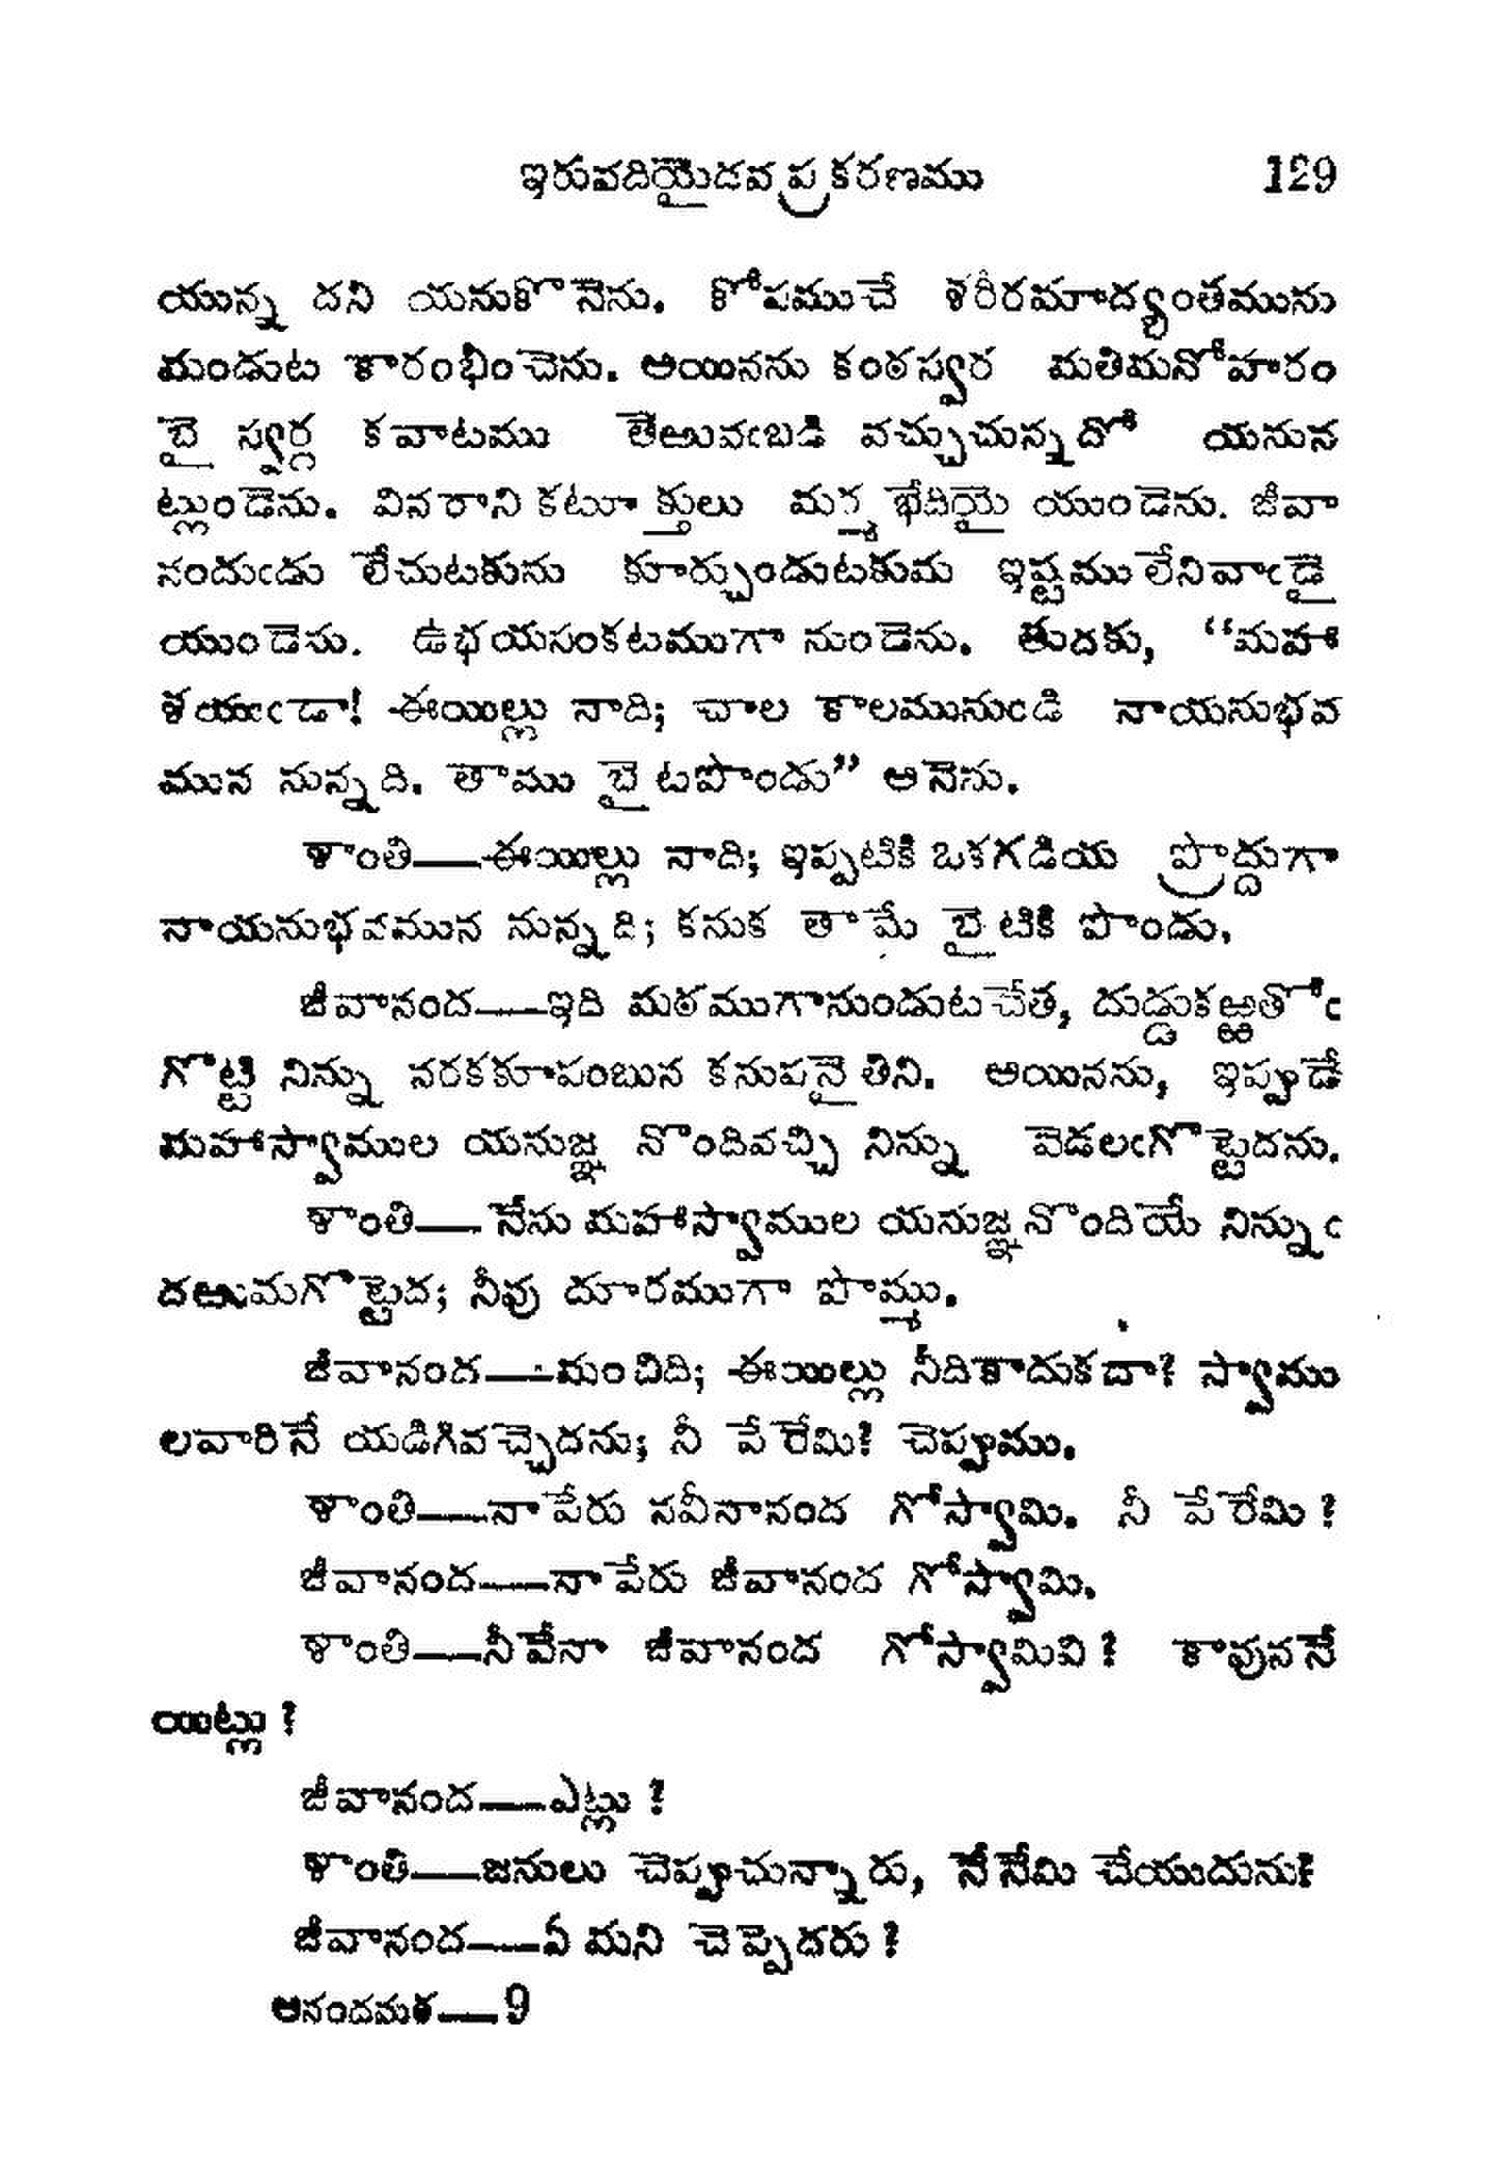యున్న దని యనుకొనెను. కోపముచే శరీరమాద్యంతమును మండుట కారంభించెను. అయినను కంఠస్వర మతి మనోహరం బై స్వర్గ కవాటము తెఱువఁబడి వచ్చుచున్నదో యను నట్లుండెను. వినరాని కటూక్తులు మర్మ భేదియై యుండెను. జీవానందుఁడు లేచుటకును కూర్చుండుటకును ఇష్టము లేనివాఁడై యుండెను. ఉభయసంకటముగా నుండెను. తుదకు, “మహాశయుఁడా! ఈయిల్లు నాది; చాల కాలమునుండి నాయనుభవమున నున్నది. తాము బైటపొండు” అనెను.

శాంతి——ఈయిల్లు నాది; ఇప్పటికి ఒక గడియ ప్రొద్దుగా నాయనుభవమున నున్నది; కనుక తామే బైటికి పొండు.

జీవానంద——ఇది మఠముగా నుండుట చేత, దుడ్డుకఱ్ఱతోఁ గొట్టి నిన్ను నరకకూపంబున కనుపనై తిని, అయినను, ఇప్పుడే
మహాస్వాముల యనుజ్ఞ నొందివచ్చి నిన్ను వెడలఁగొట్టెదను.

శాంతి—— నేను మహాస్వాముల యనుజ్ఞ నొందియే నిన్నుఁ దఱుమగొట్టెద; నీవు దూరముగా పొమ్ము.

జీవానంద—— మంచిది; ఈ యిల్లు నీది కాదుకదా? స్వాములవారినే యడిగివచ్చెదను; నీ పేరేమి? చెప్పుము.

శాంతి——నా పేరు నవీనానంద గోస్వామి. నీ పేరేమి?

జీవానంద——నా పేరు జీవానంద గోస్వామి.

శాంతి——నీవేనా జీవానంద గోస్వామివి ! కావుననే యిట్లు?

జీవానంద——ఎట్లు?

శాంతి——జనులు చెప్పుచున్నారు, నేనేమి చేయుదును?

జీవానంద—— ఏమని చెప్పెదరు?